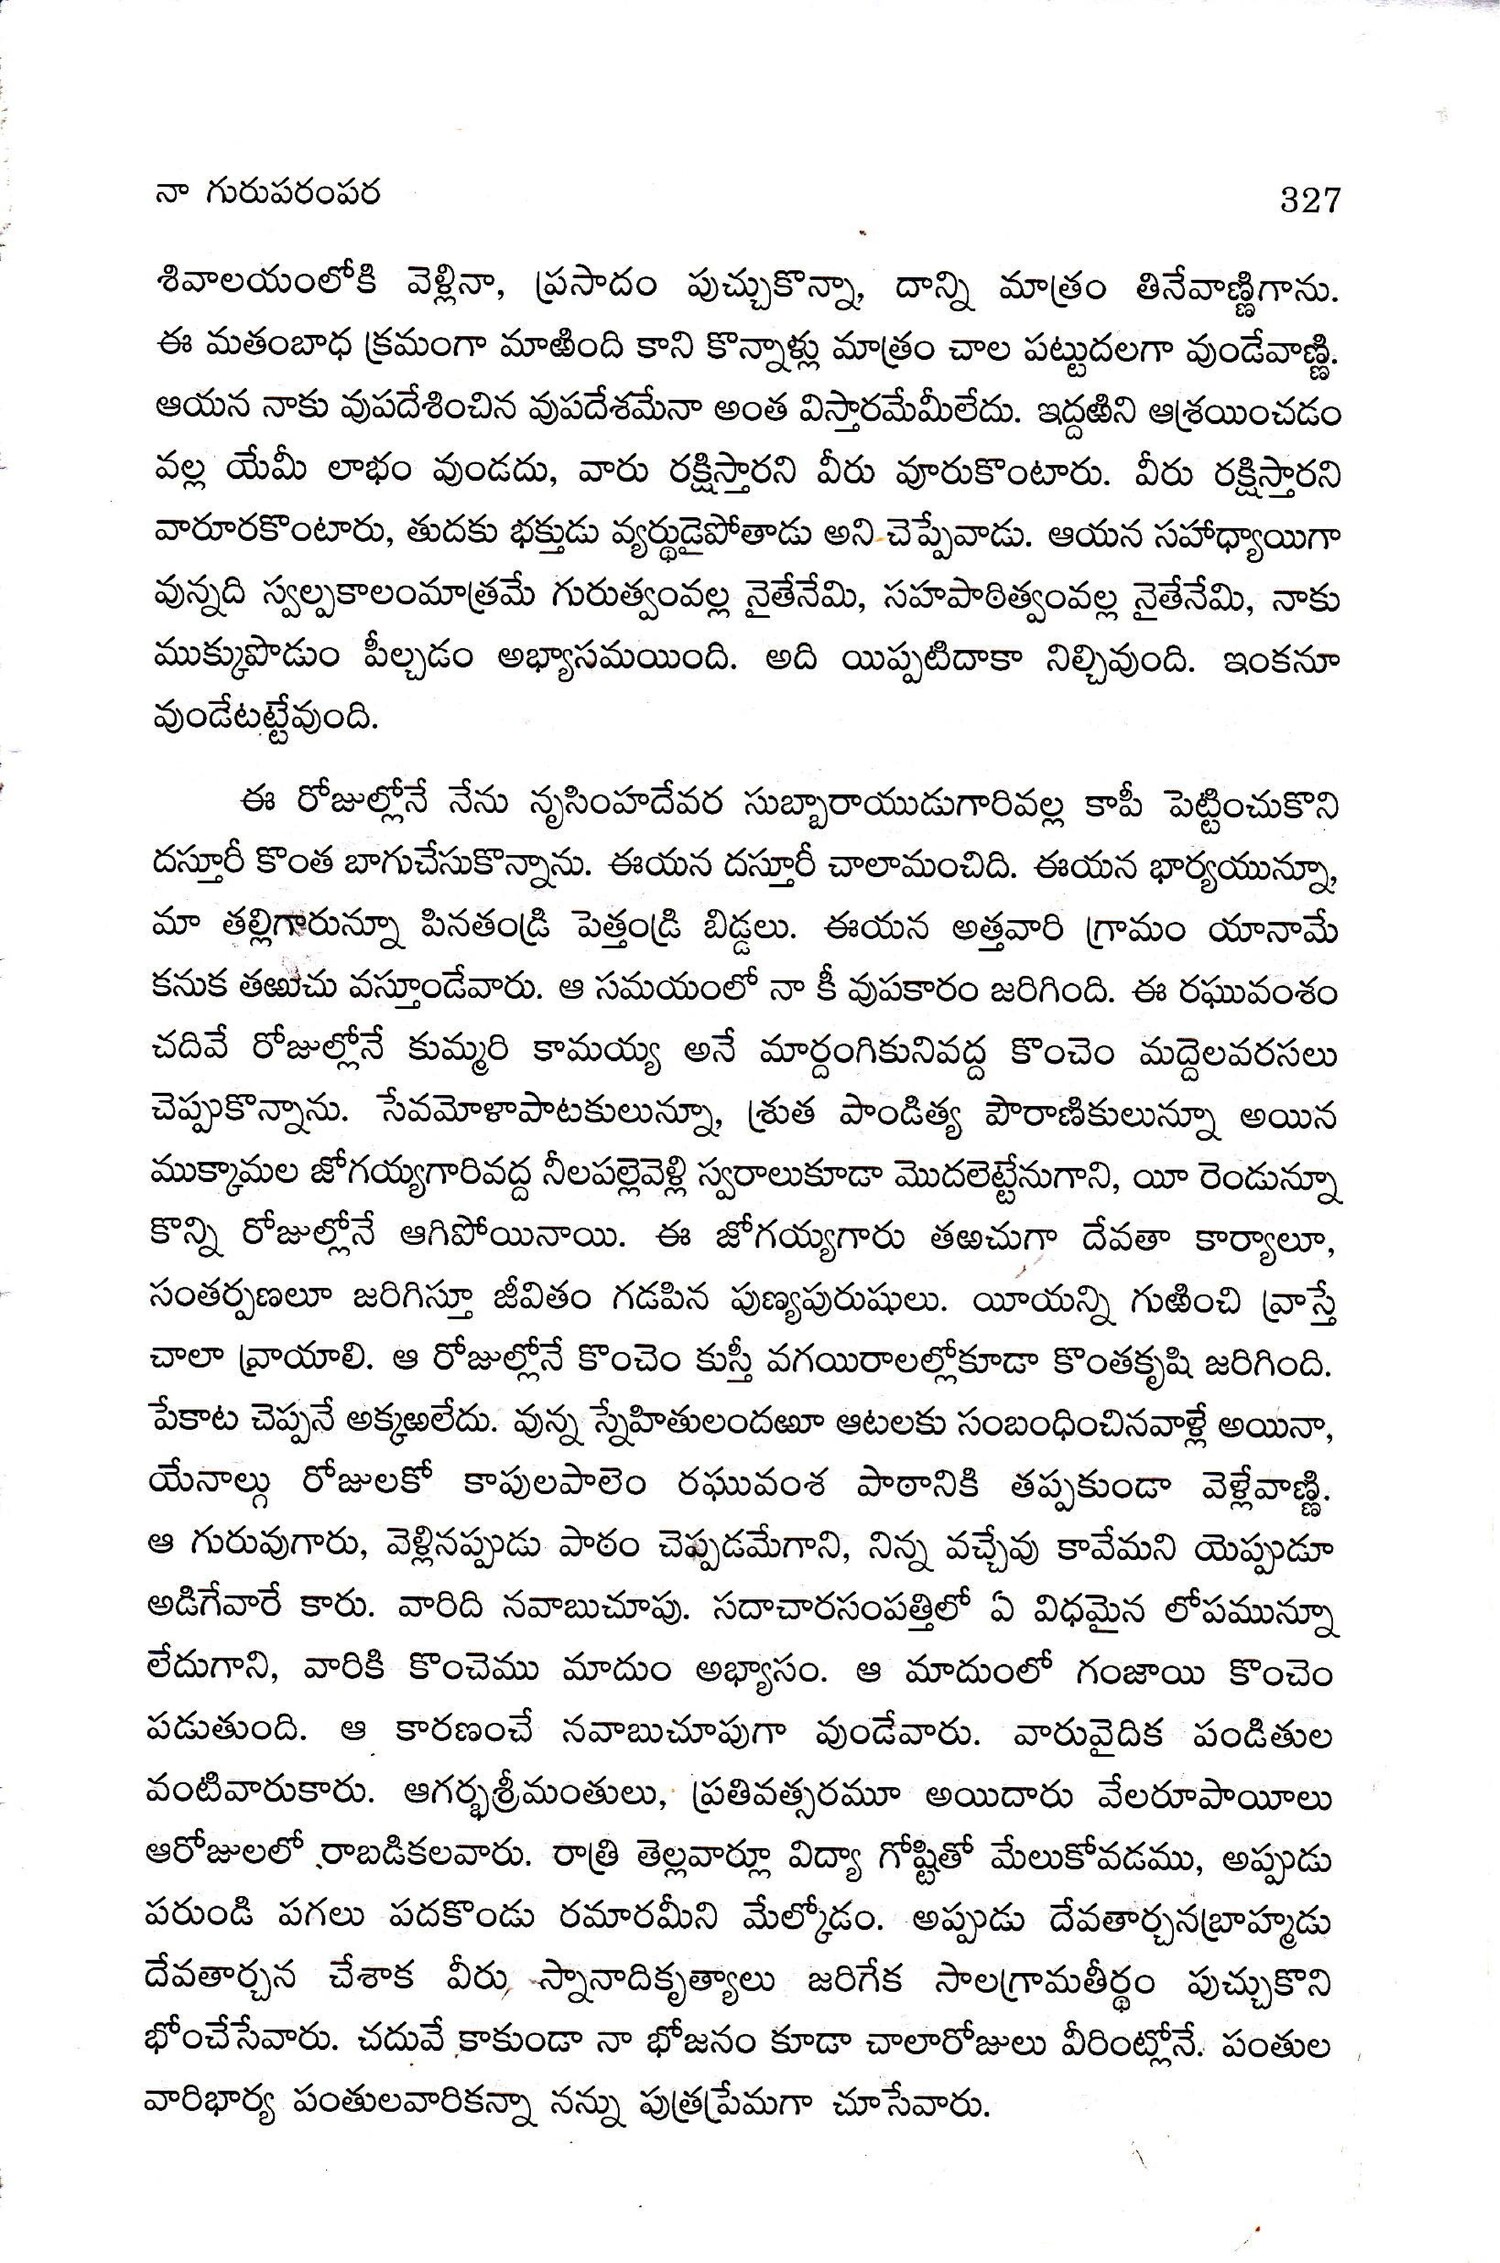శివాలయంలోకి వెళ్లినా, ప్రసాదం పుచ్చుకొన్నా, దాన్ని మాత్రం తినేవాణ్ణిగాను. ఈ మతంబాధ క్రమంగా మాఱింది కాని కొన్నాళ్లు మాత్రం చాల పట్టుదలగా వుండేవాణ్ణి. ఆయన నాకు వుపదేశించిన వుపదేశమేనా అంత విస్తారమేమీలేదు. ఇద్దఱిని ఆశ్రయించడం వల్ల యేమీ లాభం వుండదు, వారు రక్షిస్తారని వీరు వూరుకొంటారు. వీరు రక్షిస్తారని వారూరకొంటారు, తుదకు భక్తుడు వ్యర్ధుడైపోతాడు అని చెప్పేవాడు. ఆయన సహాధ్యాయిగా వున్నది స్వల్పకాలంమాత్రమే గురుత్వంవల్ల నైతేనేమి, సహపాఠిత్వంవల్ల నైతేనేమి, నాకు ముక్కుపొడుం పీల్చడం అభ్యాసమయింది. అది యిప్పటిదాకా నిల్చివుంది. ఇంకనూ వుండేటట్టేవుంది.

ఈ రోజుల్లోనే నేను నృసింహదేవర సుబ్బారాయుడుగారివల్ల కాపీ పెట్టించుకొని దస్తూరీ కొంత బాగుచేసుకొన్నాను. ఈయన దస్తూరీ చాలామంచిది. ఈయన భార్యయున్నూ మా తల్లిగారున్నూ పినతండ్రి పెత్తండ్రి బిడ్డలు. ఈయన అత్తవారి గ్రామం యానామే కనుక తఱుచు వస్తూండేవారు. ఆ సమయంలో నా కీ వుపకారం జరిగింది. ఈ రఘువంశం చదివే రోజుల్లోనే కుమ్మరి కామయ్య అనే మార్దంగికునివద్ద కొంచెం మద్దెలవరసలు చెప్పుకొన్నాను. సేవమోళాపాటకులున్నూ, శ్రుత పాండిత్య పౌరాణికులున్నూ అయిన ముక్కామల జోగయ్యగారివద్ద నీలపల్లెవెళ్లి స్వరాలుకూడా మొదలెట్టేనుగాని, యీ రెండున్నూ కొన్ని రోజుల్లోనే ఆగిపోయినాయి. ఈ జోగయ్యగారు తఱచుగా దేవతా కార్యాలూ, సంతర్పణలూ జరిగిస్తూ జీవితం గడపిన పుణ్యపురుషులు. యీయన్ని గుణించి వ్రాస్తే చాలా వ్రాయాలి. ఆ రోజుల్లోనే కొంచెం కుస్తీ వగయిరాలల్లోకూడా కొంతకృషి జరిగింది. పేకాట చెప్పనే అక్కఱలేదు. వున్న స్నేహితులందఱూ ఆటలకు సంబంధించినవాళ్లే అయినా, యేనాల్గు రోజులకో కాపులపాలెం రఘువంశ పాఠానికి తప్పకుండా వెళ్లేవాణ్ణి. ఆ గురువుగారు, వెళ్లినప్పుడు పాఠం చెప్పడమేగాని, నిన్న వచ్చేవు కావేమని యెప్పుడూ అడిగేవారే కారు. వారిది నవాబుచూపు. సదాచారసంపత్తిలో ఏ విధమైన లోపమున్నూ లేదుగాని, వారికి కొంచెము మాదుం అభ్యాసం. ఆ మాదుంలో గంజాయి కొంచెం పడుతుంది. ఆ కారణంచే నవాబుచూపుగా వుండేవారు. వారువైదిక పండితుల వంటివారుకారు. ఆగర్భశ్రీమంతులు, ప్రతివత్సరమూ అయిదారు వేలరూపాయీలు ఆరోజులలో రాబడికలవారు. రాత్రి తెల్లవార్లూ విద్యా గోష్టితో మేలుకోవడము, అప్పుడు పరుండి పగలు పదకొండు రమారమీని మేల్కోడం. అప్పుడు దేవతార్చన బ్రాహ్మడు దేవతార్చన చేశాక వీరు స్నానాదికృత్యాలు జరిగేక సాలగ్రామతీర్థం పుచ్చుకొని భోంచేసేవారు. చదువే కాకుండా నా భోజనం కూడా చాలారోజులు వీరింట్లోనే. పంతుల వారిభార్య పంతులవారికన్నా నన్ను పుత్రప్రేమగా చూసేవారు.